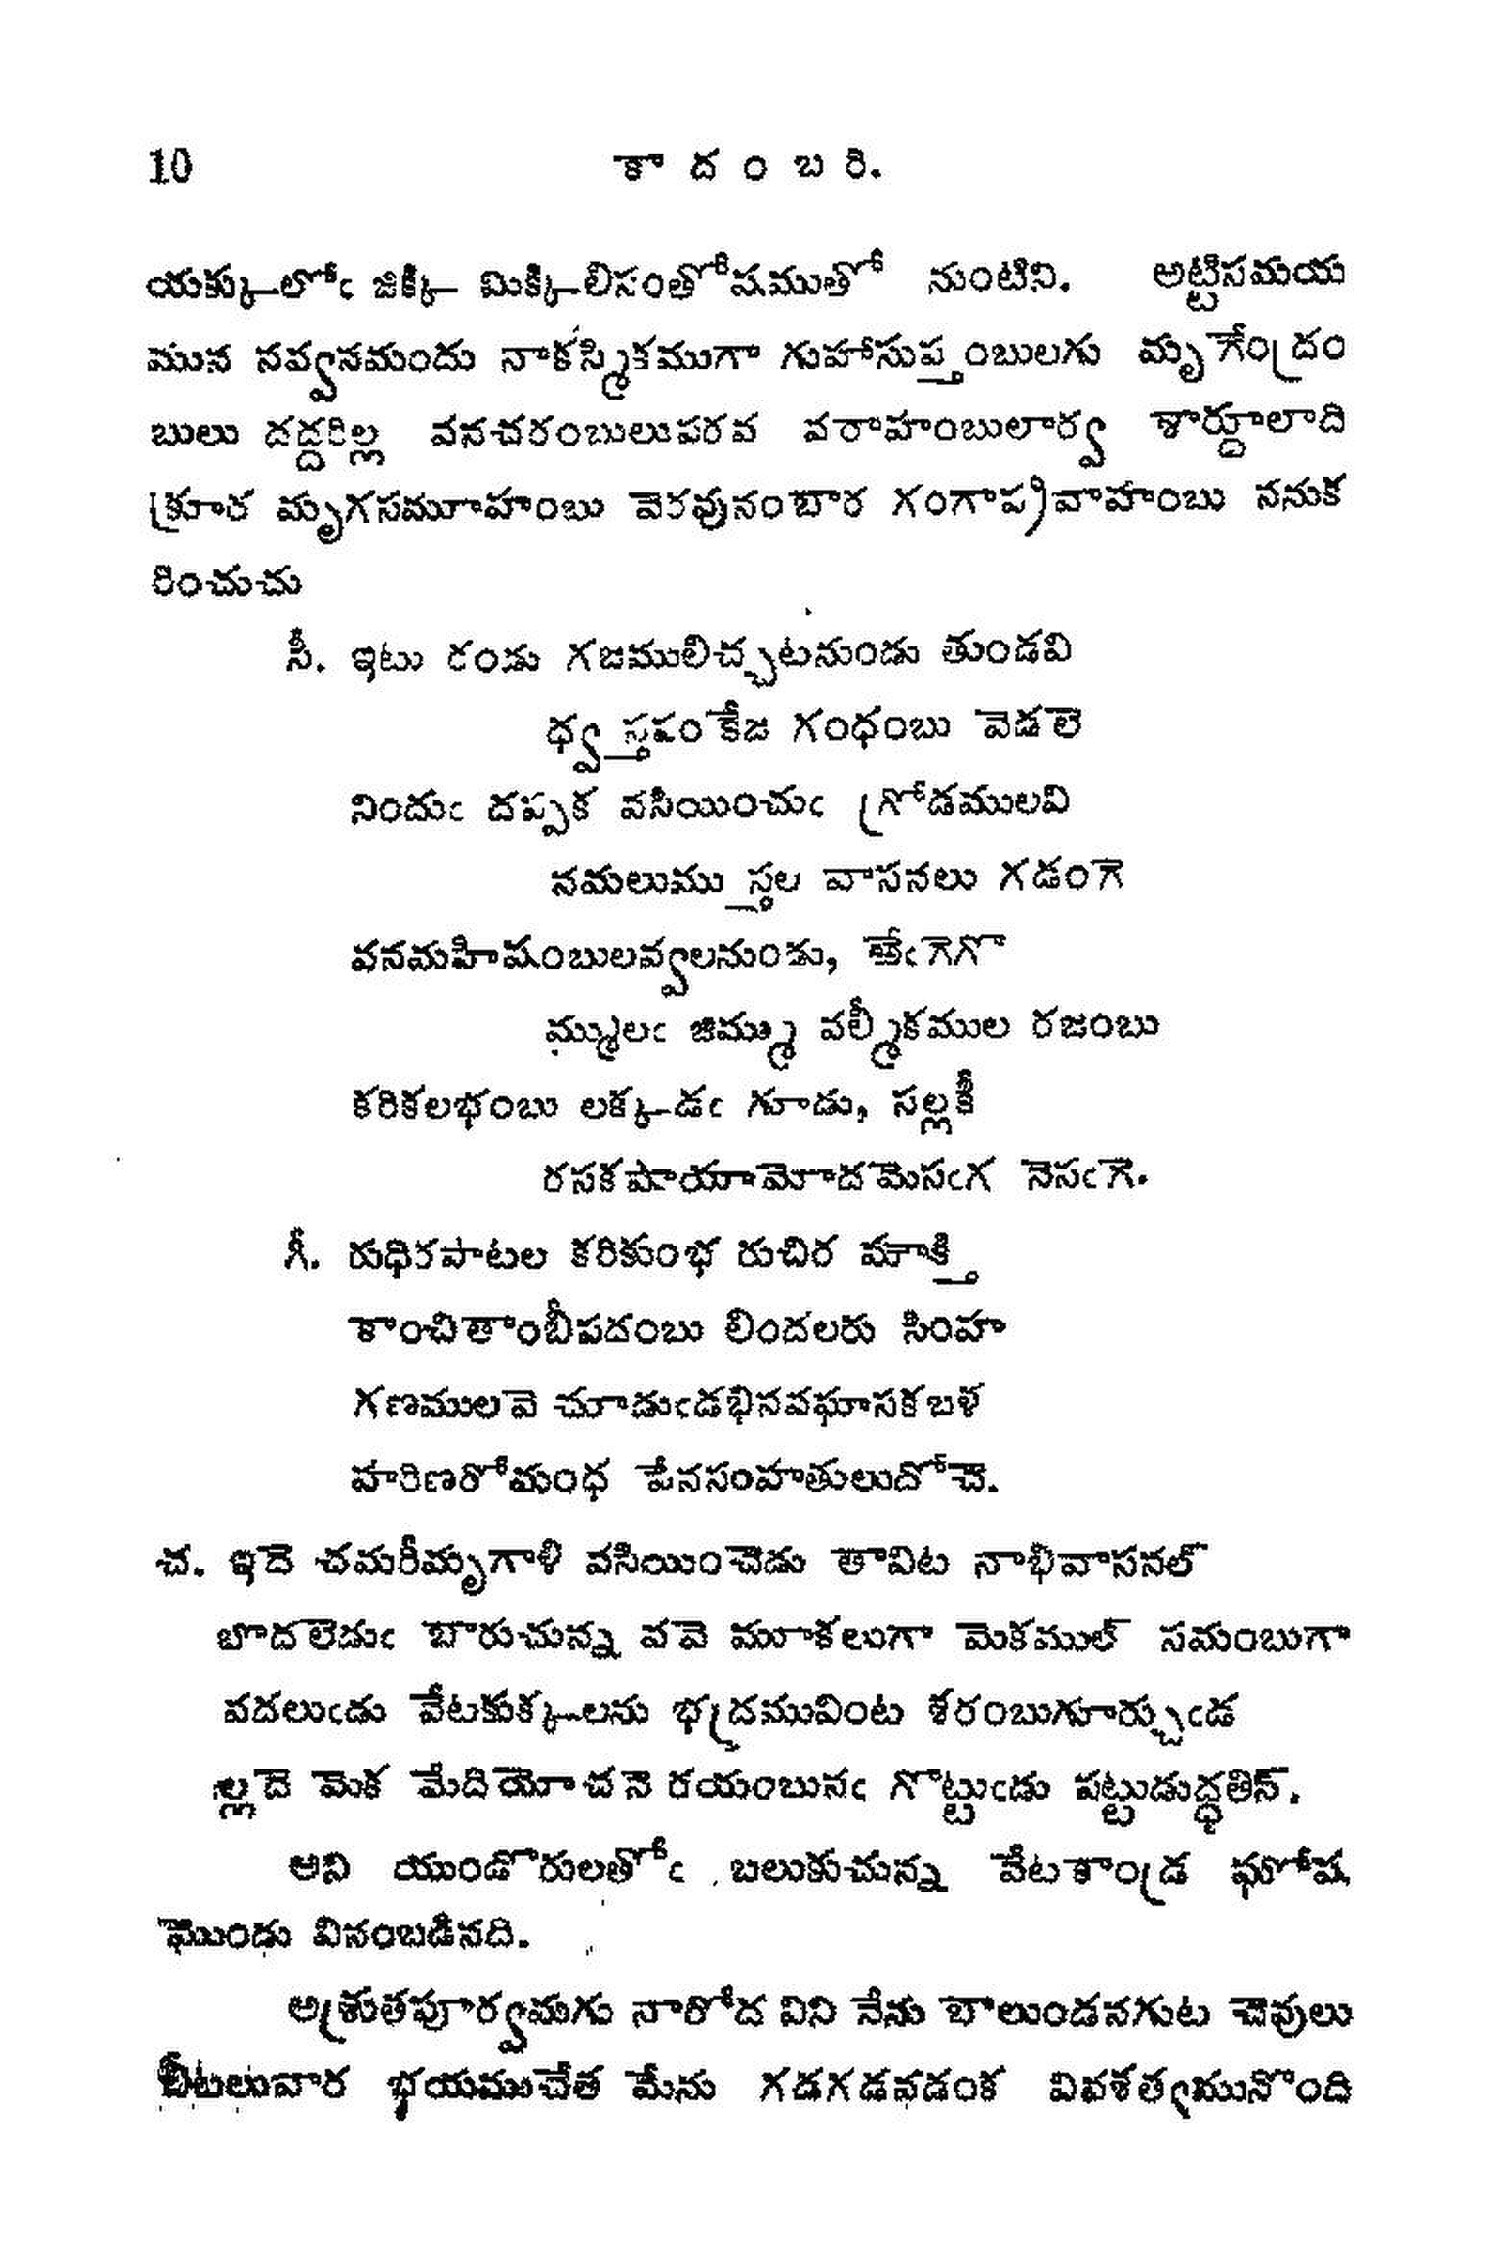యక్కులోఁ జిక్కి మిక్కిలిసంతోషముతో నుంటిని. అట్టిసమయమున నవ్వనమందు నాకస్మికముగా గుహాసుప్తంబులగు మృగేంద్రంబులు దద్దరిల్ల వనచరంబులుపరవ వరాహంబులార్వ శార్దూలాది క్రూర మృగసమూహంబు వెరవునంబార గంగాప్రవాహంబు ననుకరించుచు.

సీ. ఇటు రండు గజములిచ్చటనుండు తుండవి
 ధ్వస్తపంకేజ గంధంబు వెడలె
 నిందుఁ దప్పక వసియించుఁ గ్రోడములవి
 నమలుముస్తల వాసనలు గడంగె
 వనమహిషంబులవ్వలనుండు, ఱేఁగెగొ
 మ్ములఁ జిమ్ము వల్మీకముల రజంబు
 కరికలభంబు లక్కడఁ గూడు, సల్లకీ
 రసకషాయామోదమెసఁగ నెసఁగె.

గీ. రుధిరపాటల కరికుంభ రుచిన మౌక్తి
 కాంచితాంభీపదంబు లిందులరు సింహ
 గణములవె చూడుఁడభినవఘాసకభళ
 హరిణరోమంధ సేనసంహతులుదోచె.

చ. ఇదె చమరీమృగాళి వసియించెడు తావిట నాభివాసనల్
 బొదలెడుఁ బారుచున్న వవె మూకలుగా మొకముల్ సమంబుగా 
 వదలుఁడు వేటకుక్కలను భద్రమువింట శరంబుగూర్చుఁడ
 ల్లదె మెక మేదియోచనె రయంబునఁ గొట్టుఁడు పట్టుడుద్ధతిన్.

అని యుండొరులతోఁ బలుకుచున్న వేటకాండ్ర ఘోష మొండు వినంబడినది.

అశ్రుతపూర్వమగు నారోద విని నేను బాలుండనగుట చెవులు బీటలువార భయముచేత మేను గడగడవడంక వివశత్వమునొంది